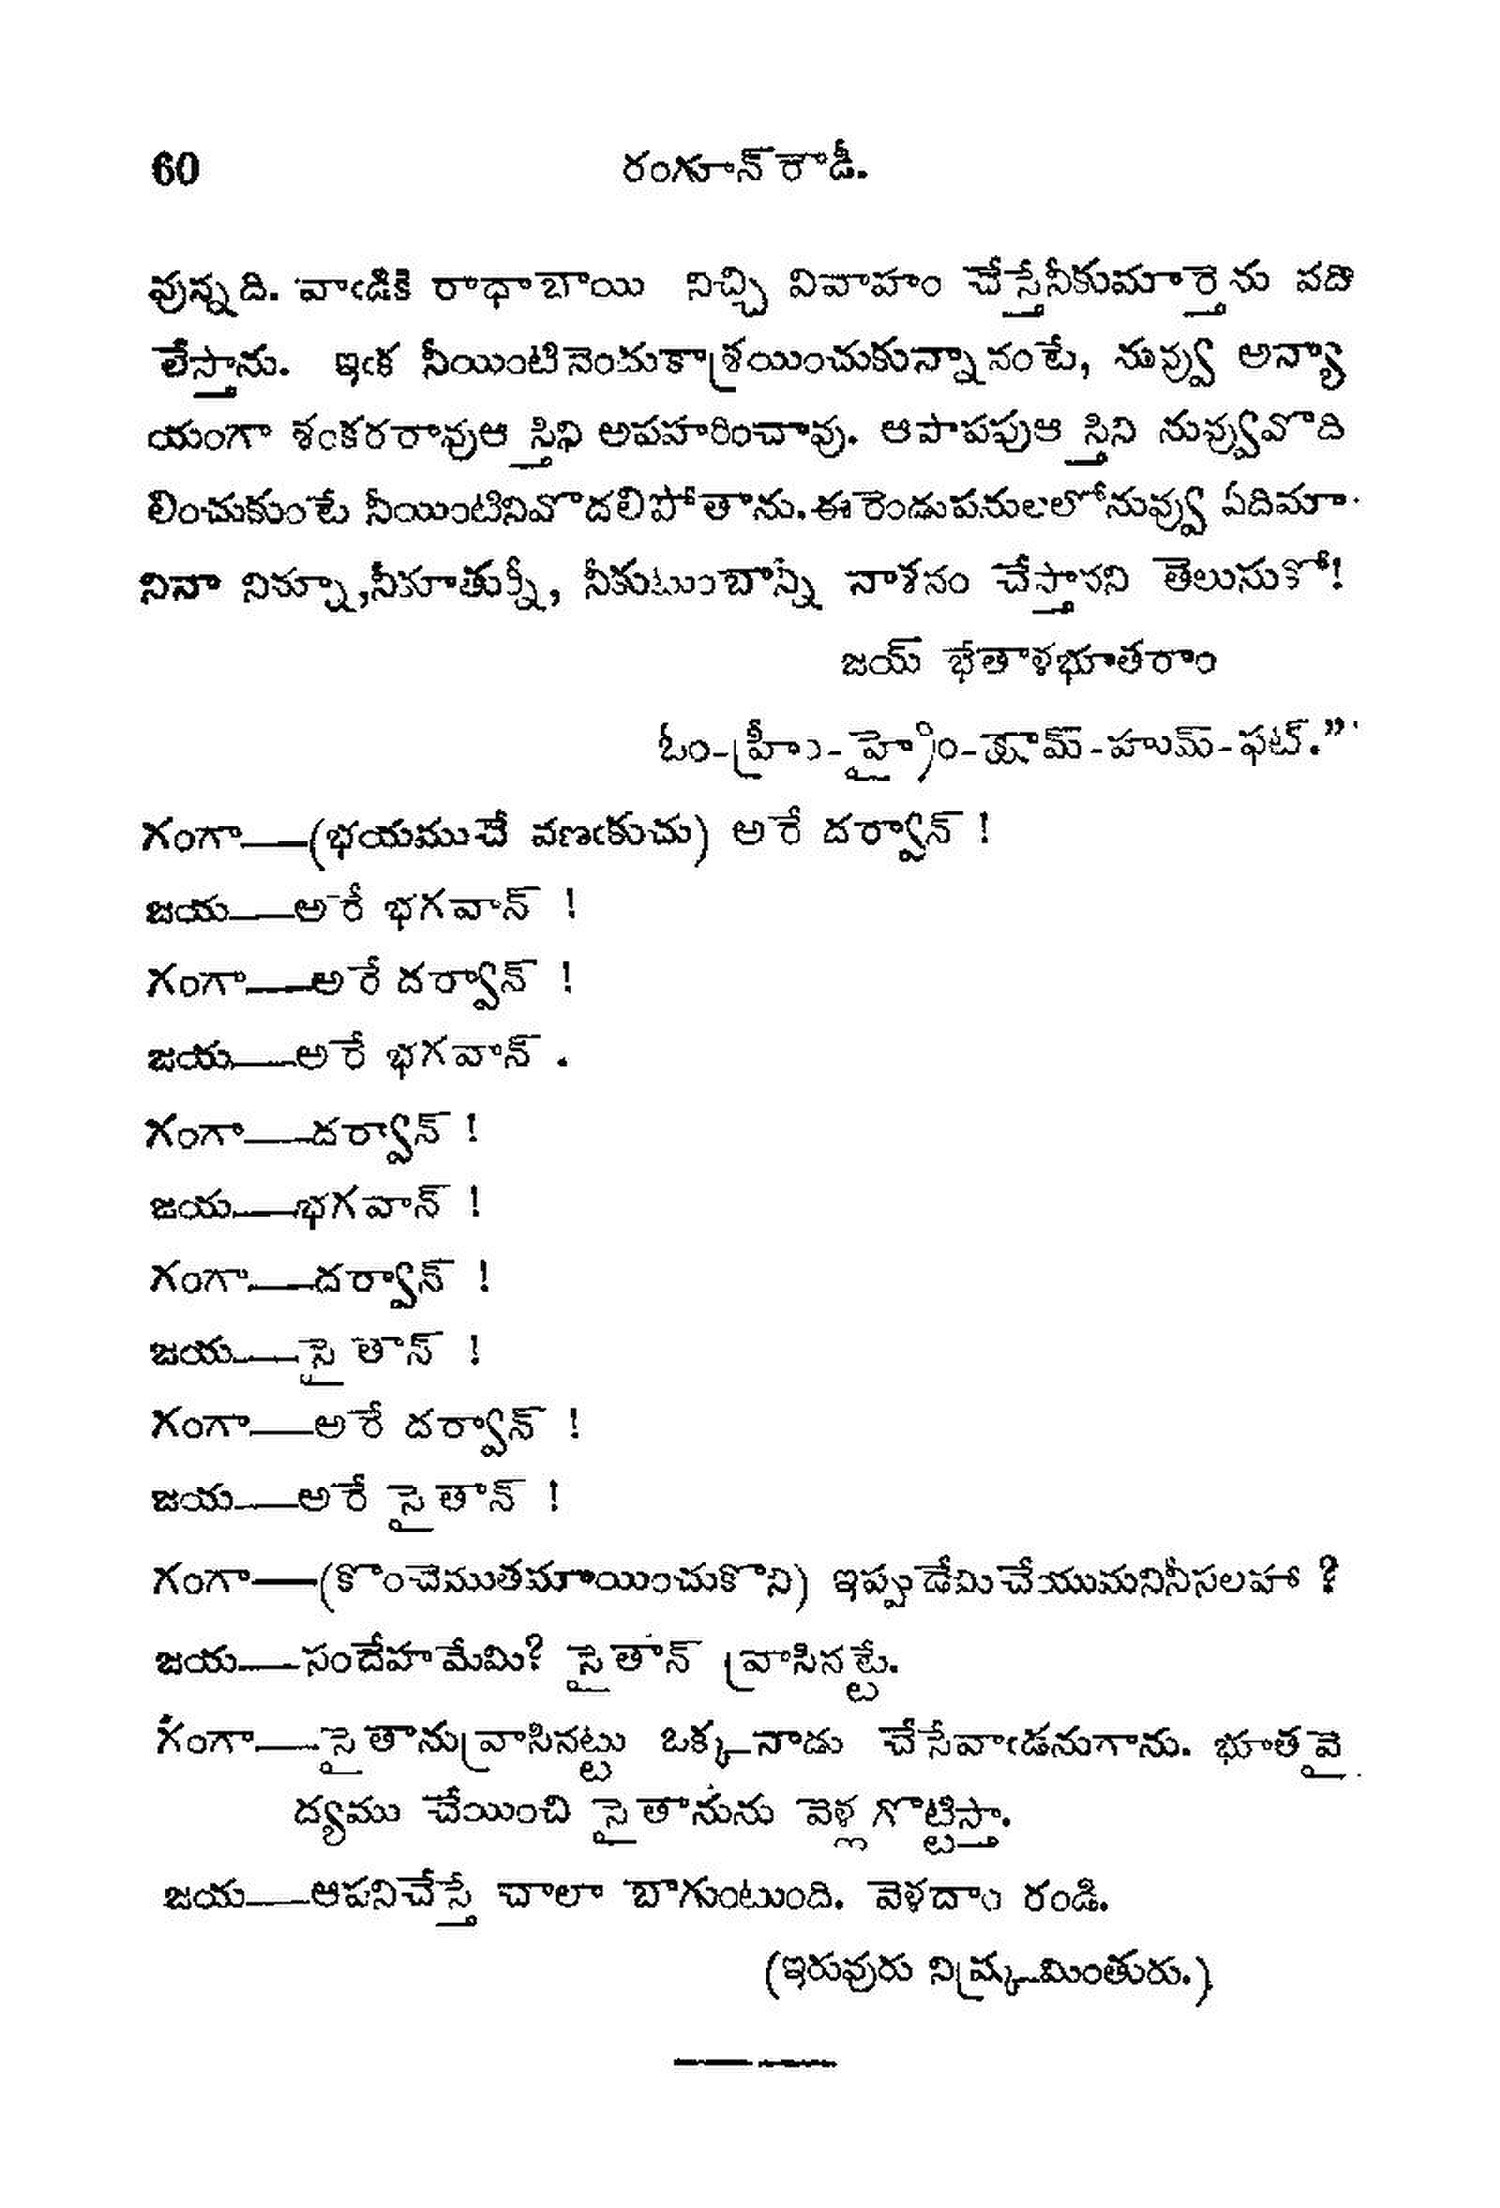వున్నది. వాఁడికి రాధాబాయి నిచ్చి వివాహం చేస్తేనీకుమార్తెను వదిలేస్తాను. ఇఁక నీయింటినెందు కాశ్రయించుకున్నానంటే, నువ్వు అన్యాయంగా శంకరరావుఆస్తిని అపహరించావు. ఆ పాపపుఆస్తిని నువ్వువొదిలించుకుంటే నీయింటినివొదలిపోతాను. ఈ రెండుపనులలోనువ్వు ఏదిమానినా నిన్నూ, నీకూతుర్నీ, నీకుటుంబాన్ని నాశనం చేస్తానని తెలుసుకో!

గంగా - (భయముచే వణఁకుచు) అరే దర్వాన్ !

జయ - అరే భగవాన్ !

గంగా - అరే దర్వాన్ !

జయ - అరే భగవాన్ •

గంగా - దర్వాన్ !

జయ - భగవాన్ !

గంగా - దర్వాన్ !

జయ - సైతాన్ !

గంగా - అరే దర్వాన్ !

జయ - అరే సైతాన్!

గంగా - (కొంచెముతమాయించుకొని) ఇప్పుడేమి చేయుమనినీసలహా ?

జయ - సందేహమేమి? సైతాన్ వ్రాసినట్టే.

గంగా -- సైతానువ్రాసినట్టు ఒక్కనాడు చేసేవాఁడనుగాను. భూతవైద్యము చేయించి సైతానును వెళ్ల గొట్టిస్తా.

జయ - ఆపనిచేస్తే చాలా బాగుంటుంది. వెళదాం రండి.

__________
లు-